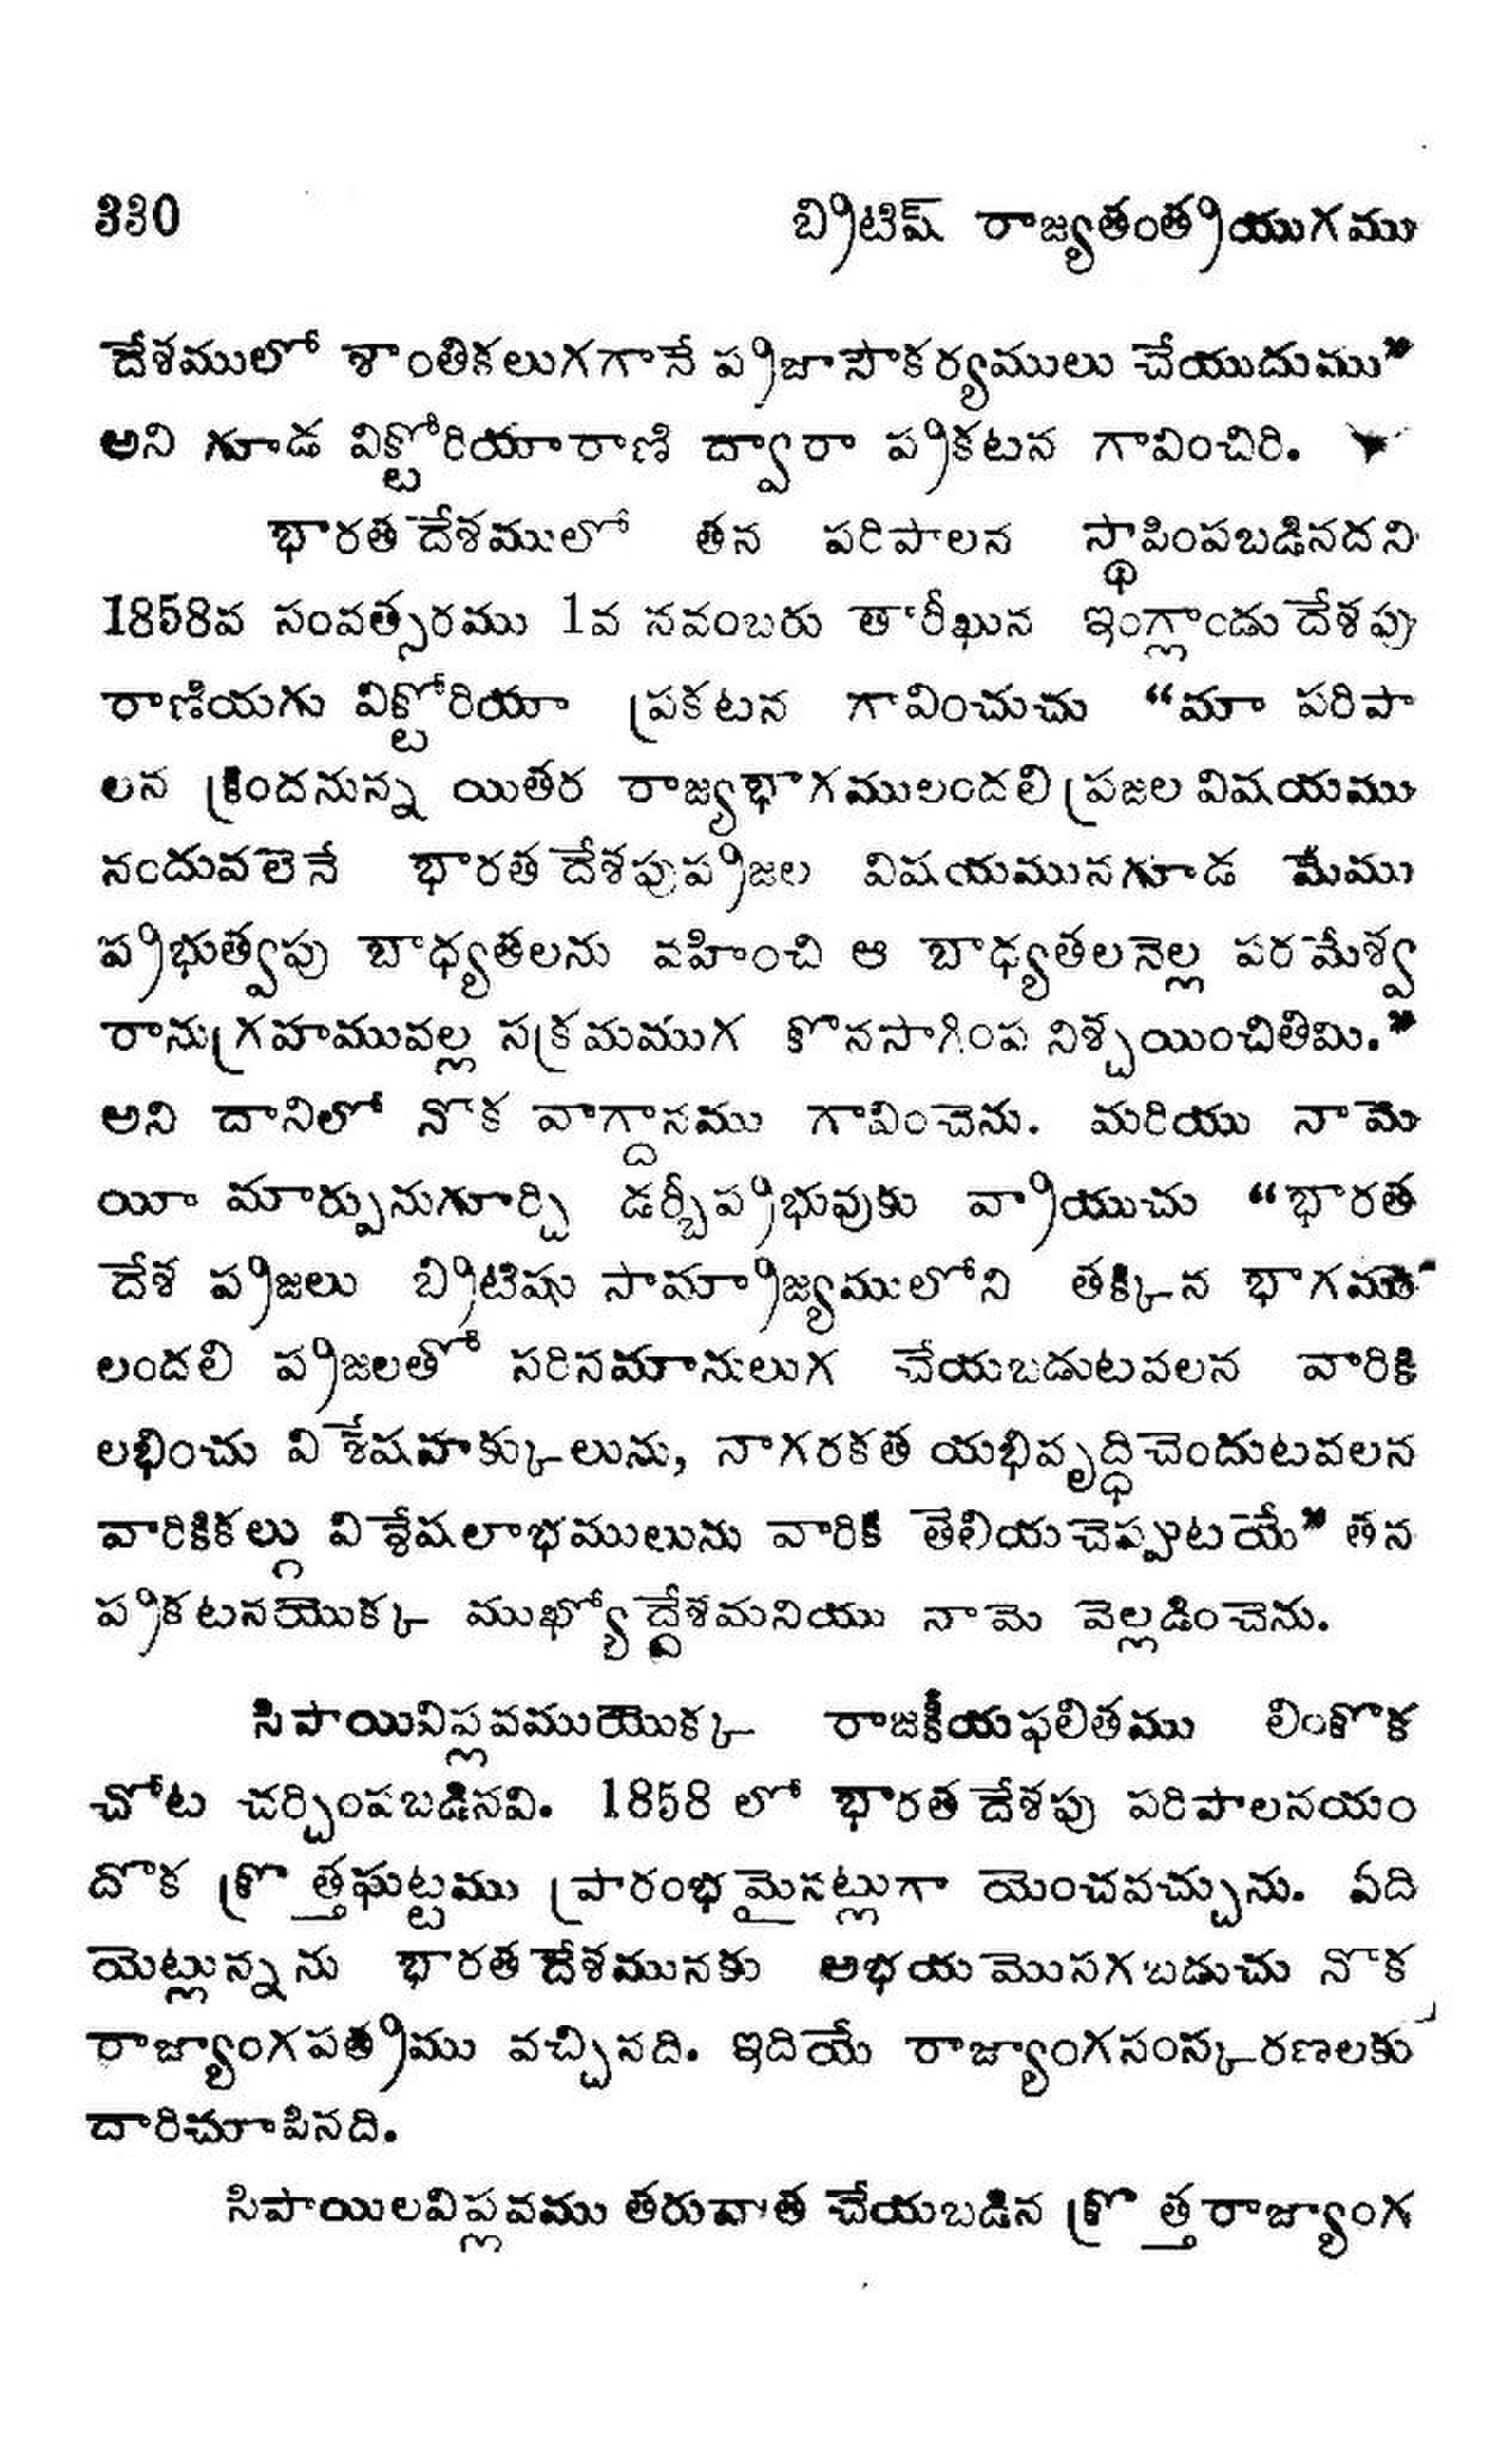దేశములో శాంతికలుగగానే ప్రజాసౌకర్యములు చేయుదుము" అని గూడ విక్టోరియారాణి ద్వారా ప్రకటన గావించిరి. -

భారతదేశములో తన పరిపాలన స్థాపింపబడినదని 1858వ సంవత్సరము 1వ నవంబరు తారీఖున ఇంగ్లాండుదేశపు రాణియగు విక్టోరియా ప్రకటన గావించుచు “మా పరిపాలన క్రిందనున్న యితర రాజ్యభాగములందలి ప్రజల విషయము నందువలెనే భారతదేశపుప్రజలు విషయమునగూడ మేము ప్రభుత్వపు బాధ్యతలను వహించి ఆ బాధ్యతలనెల్ల పరమేశ్వరానుగ్రహమువల్ల సక్రమముగ కొనసాగింప నిశ్చయించితిమి." అని దానిలో నొక వాగ్దానము గావించెను. మరియు నామె యీ మార్పునుగూర్చి డర్బీప్రభువుకు వ్రాయుచు “భారతదేశ ప్రజలు బ్రిటిషు సామ్రాజ్యములోని తక్కిన భాగములందలి ప్రజలతో సరిసమానులుగ చేయబడుటవలన వారికి లభించు విశేషహక్కులును, నాగరకత యభివృద్ధి చెందుటవలన వారికికల్గు విశేషలాభములును వారికి తెలియ చెప్పుటయే" తన ప్రకటనయొక్క ముఖ్యోద్దేశమనియు నామె వెల్లడించెను.

సిపాయివిప్లవము యొక్క రాజకీయఫలితము లింకొకచోట చర్చింపబడినవి. 1858 లో భారతదేశపు పరిపాలనయందొక క్రొత్తఘట్టము ప్రారంభమైనట్లుగా యెంచవచ్చును. ఏది యెట్లున్నను భారతదేశమునకు అభయమొసగబడుచు నొక రాజ్యాంగపత్రము వచ్చినది. ఇదియే రాజ్యాంగసంస్కరణలకు దారిచూపినది.

సిపాయిలవిప్లవము తరువాత చేయబడిన క్రొత్తరాజ్యాంగ